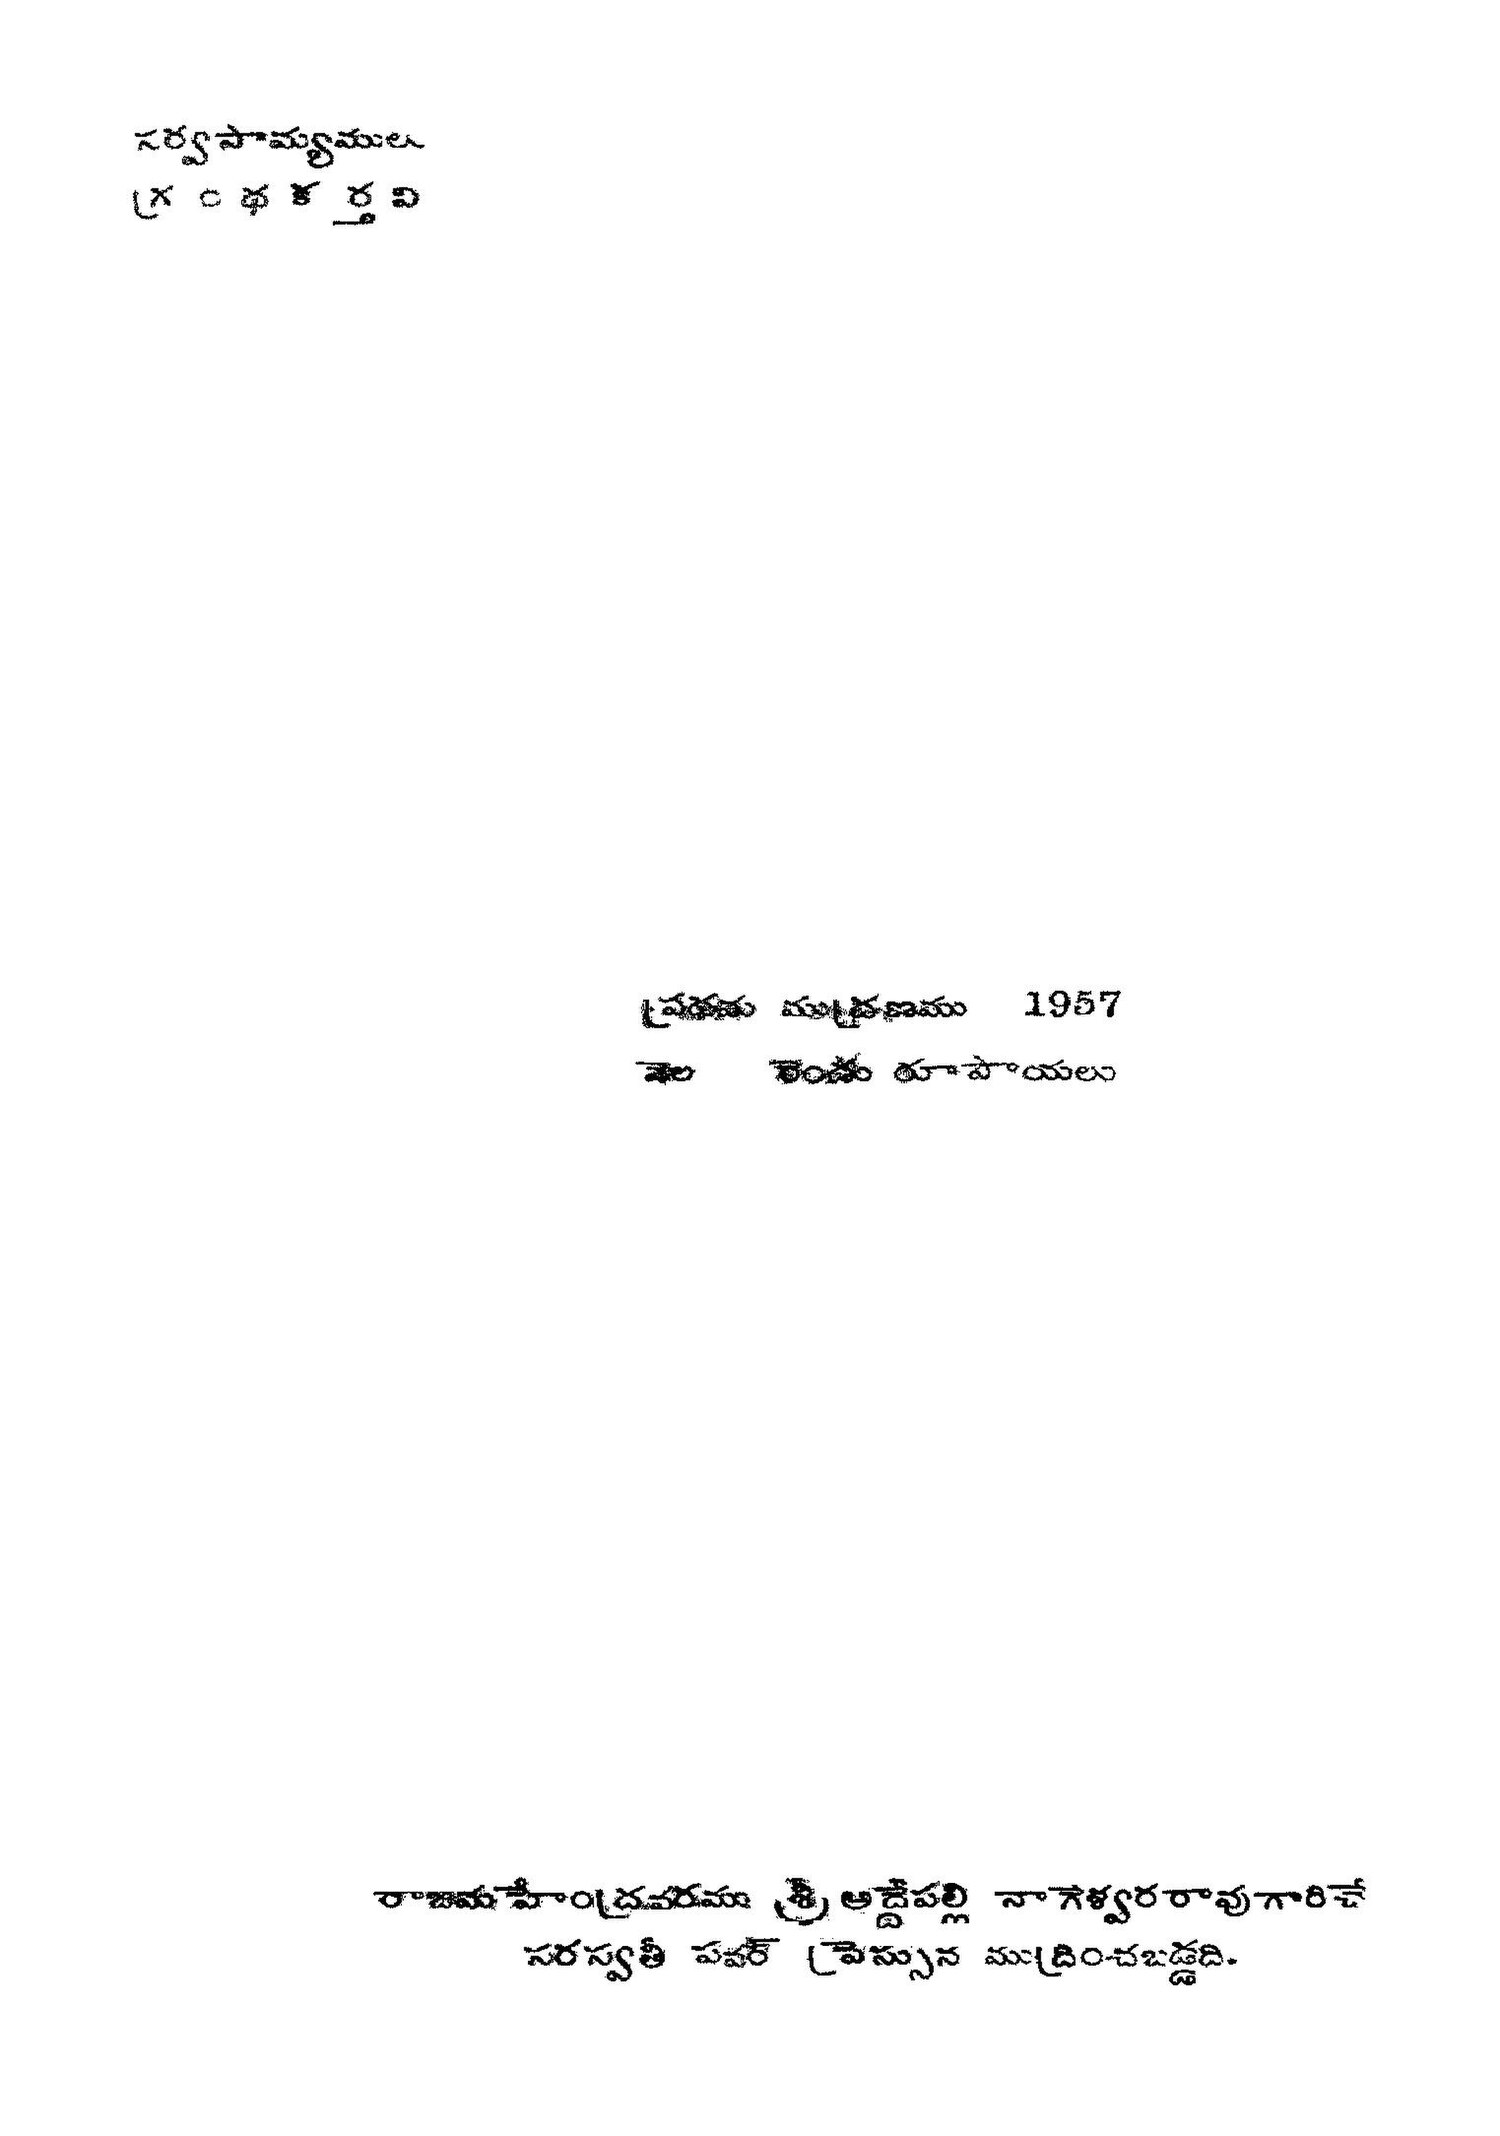సర్వసామ్యములు

గ్రంథకర్తవి